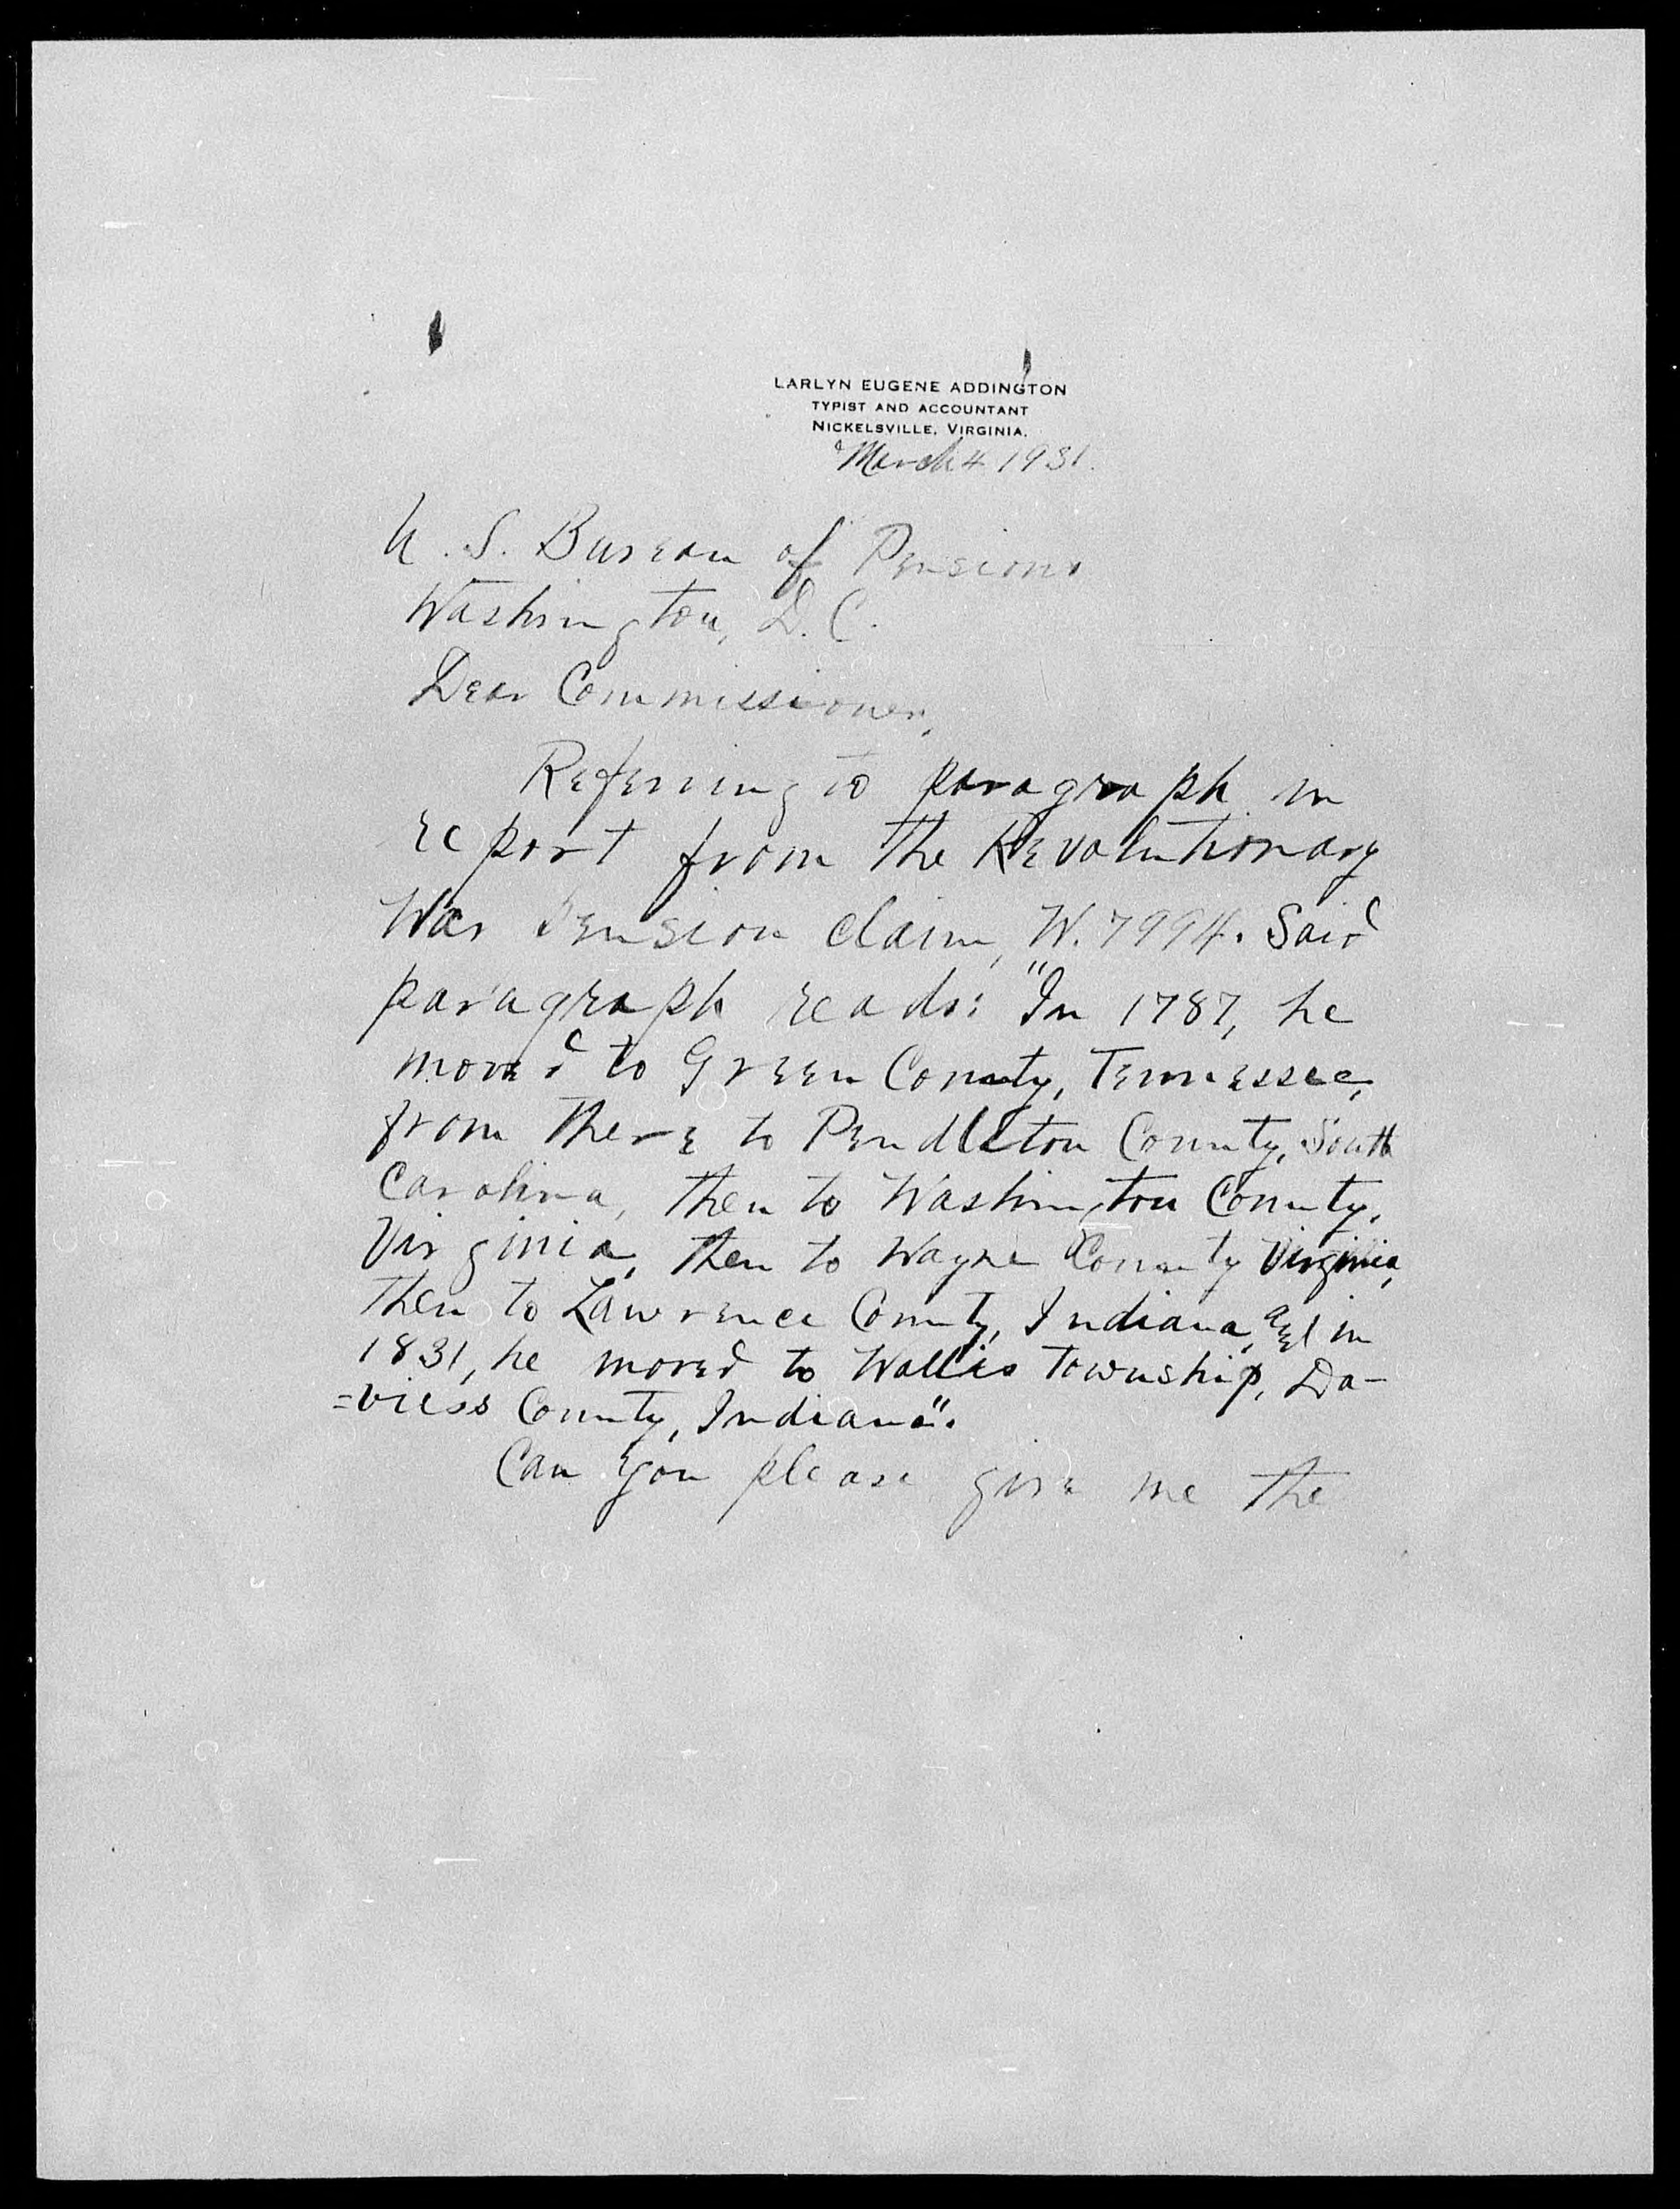LARLYN EUGENE ADDINGTON
TYPIST AND ACCOUNTANT
NICKELSVILLE. VIRGINIA.
March 4 1931.

U.S. Bureau of Pensions
Washington, D.C.

Dear Commissioner,
Referring to paragraph in report from the Revolutionary War Pension Claim W. 7994. Said paragraph reads: "In 1787, he moved to Green County, Tennessee, from there to Pendleton County, South Carolina, then to Washington County, Virginia then to Wayne County Virginia, then to Lawrence County, Indiana, and in 1831, he moved to Wallis Township Daviess County, Indiana".
Can you please give me the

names: Larlyn Eugene Addington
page: 79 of 115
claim: survivor's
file: S. 699, for Charles Kilgore, Virginia